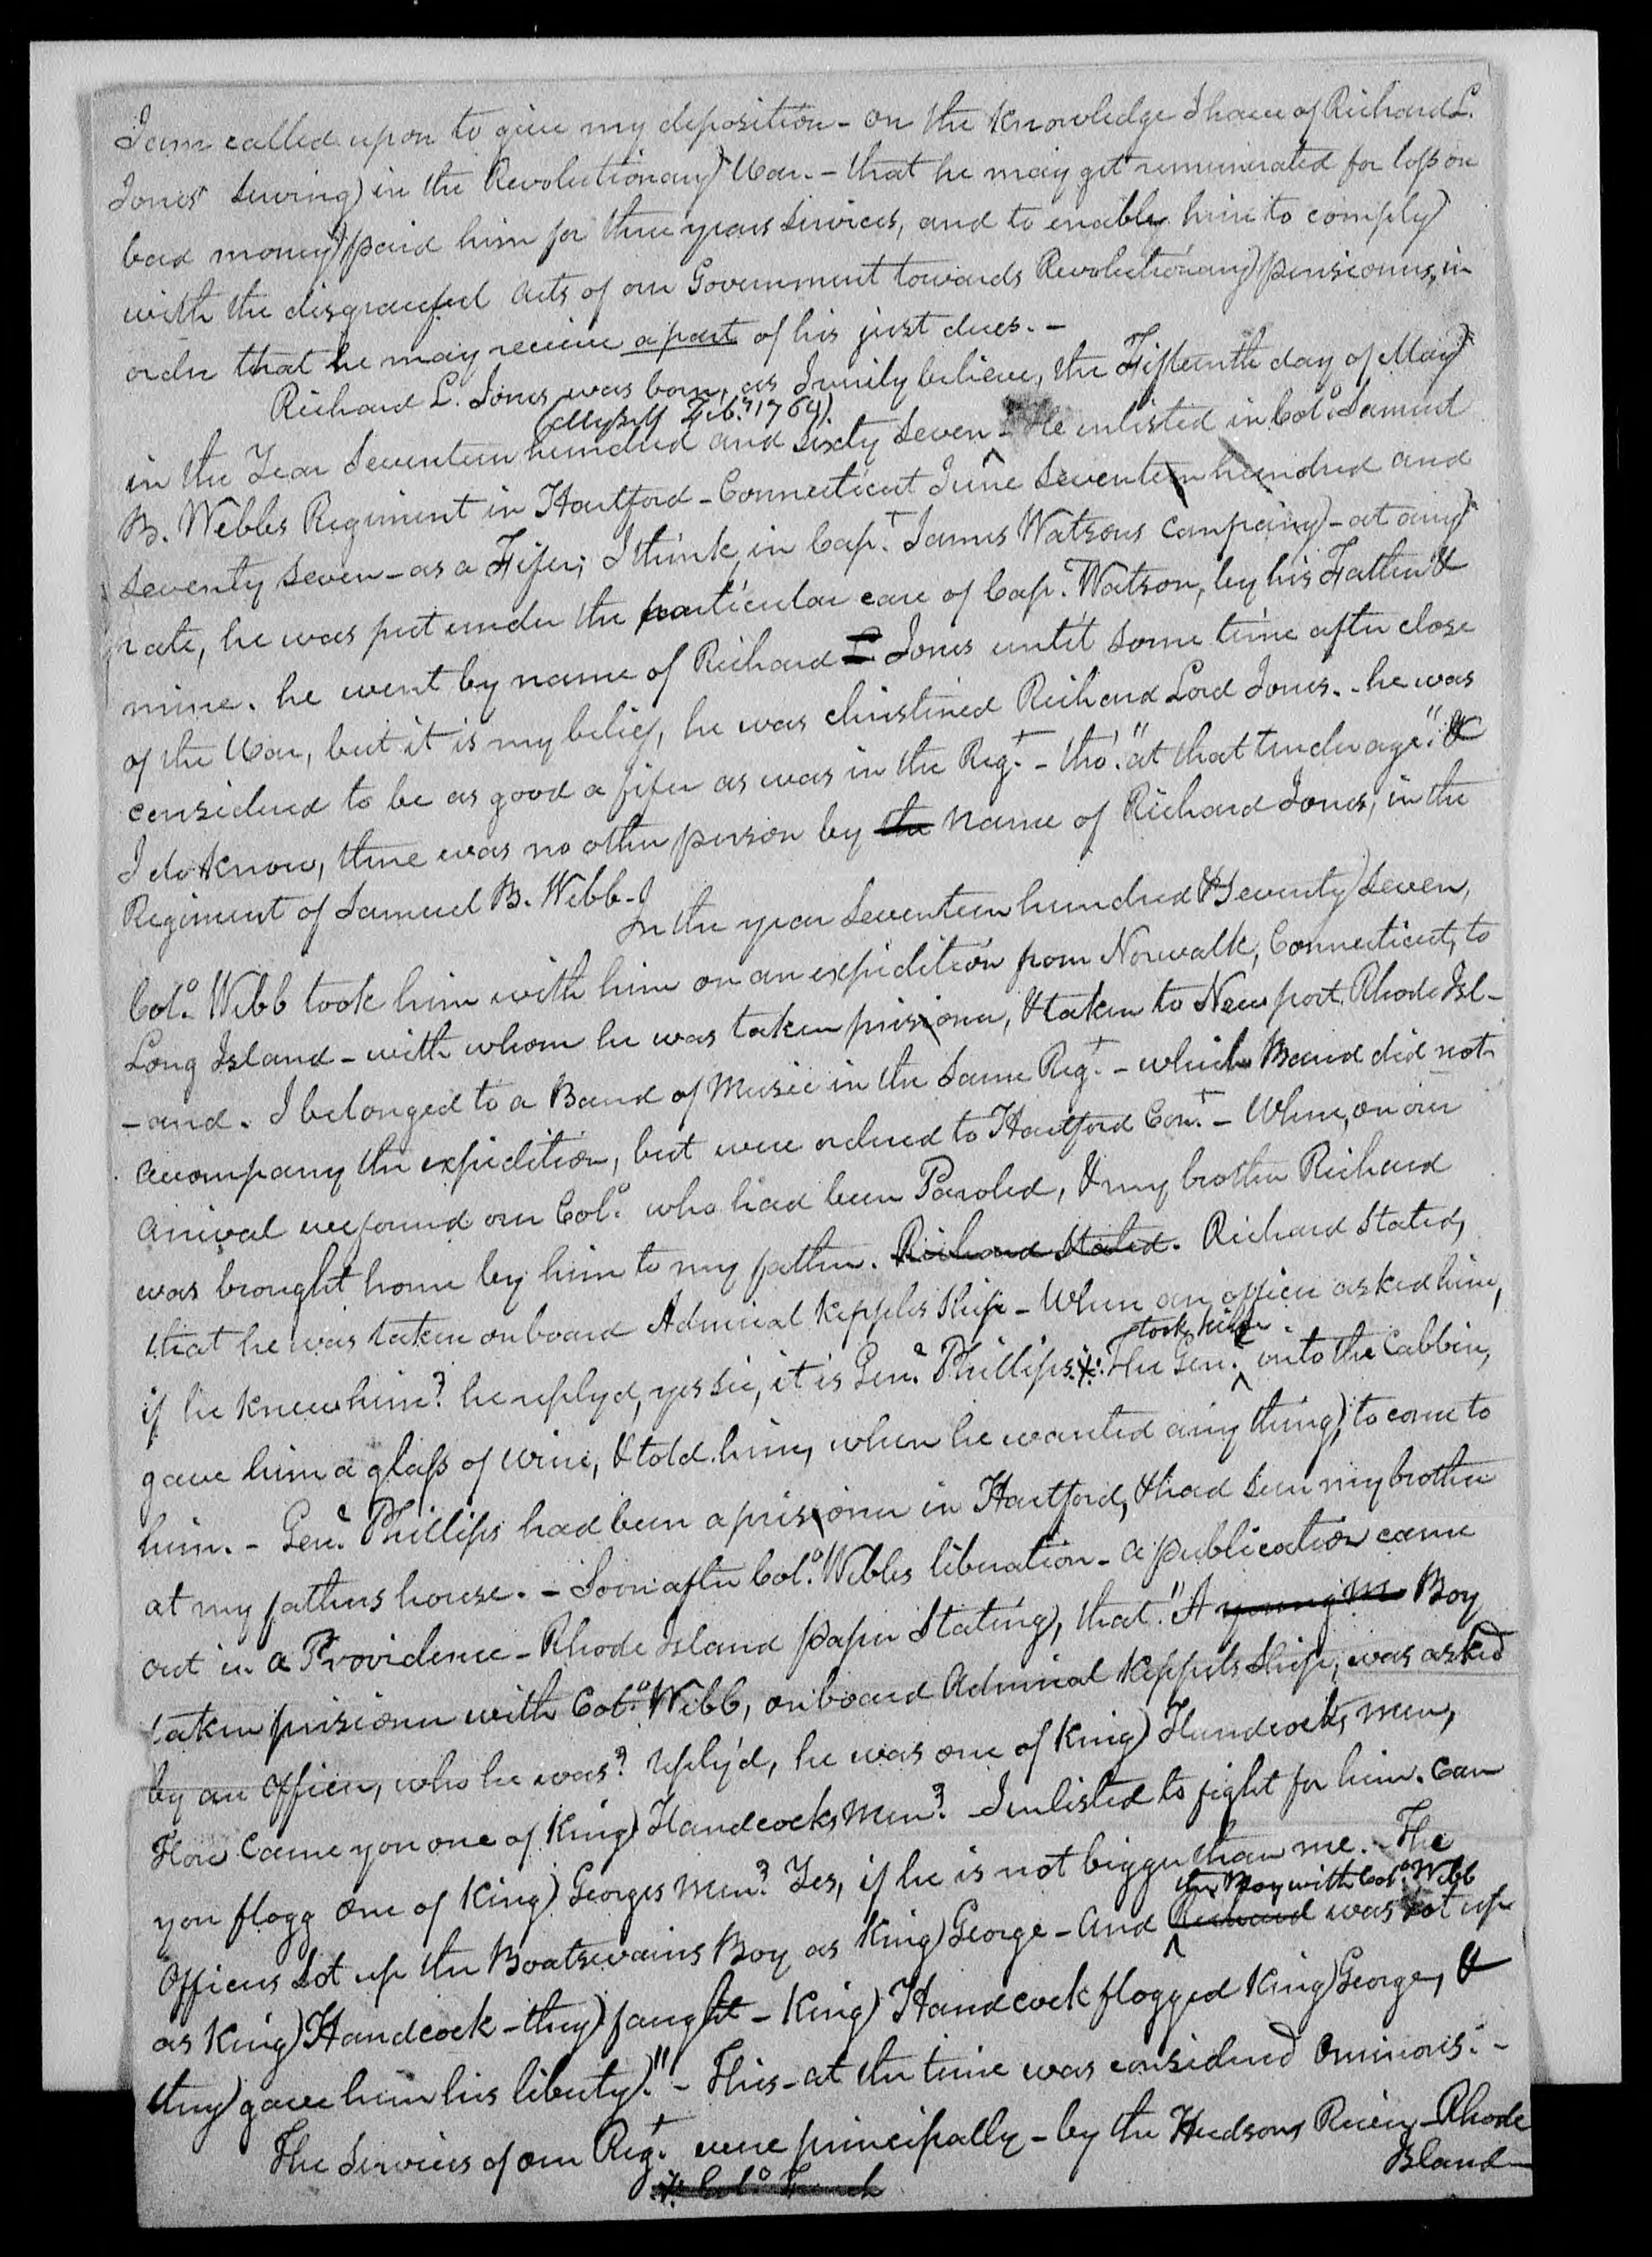I am called upon to give my deposition on the knowledge I have of Richard L Jones living in the Revolutionary War. that he may get renumerated for loss on bad money paid him for three years services, and to enable him to comply with the disgraceful acts of our Government towards Revolutionary pensions, in order that he may receive a part of his just dues.-
Richard L. Jones was born as I verily believe, the Fifteenth day of May in the year Seventeen hundred and sixty seven^(myself Feby 1764). He enlisted in Colo Samuel B. Webbs Regiment in Hartford - Connecticut line Seventeen hundred and seventy seven - as a fifer, I think in Capt James Watsons company out going rate, he was put under the particular care of Cap. Watson, by his Father & mine. he went by name of Richard Jones until some time after close of the war, but it is my belief, he was christened Richard Lord Jones. he was considered to be a good fifer as was in the Regt. tho'" at that tender age." &c I do know, there was no other person by name of Richard Jones, in the regiment of Samuel B. Webb. 
In the year seventeen hundred & seventy seven, Colo Webb took him with him on an expidition [expedition] from Norwalk, Connecticut to Long Island - with whom he was taken prisoner, & taken to Newport, Rhode Island. I belonged to a Board of Musicians in the Same Regt. - which Board did not accompany the expidition [expedition], but were ordered to Hartford Cont [Connecticut] - Where on our arrival we found our Colo. who had be Paroled, & my brother Richard was brought home by him to my father. Richard stated, that he was taken on board Admiral Kessel's Skip - When our officer asked him, if he knew where? he replyd [replied] yes sir, it is Genl Phillips [hand written star surrounded by dots] His Gen. took  [illegible] in the cabbin [cabin], gave him a glass of wine , & told him when he wanted anything to come to him. Genl Phillips had been a prisoner in Hartford, & had seen my brother at my fathers house. - Soon after Colo. Webbs liberation. a publication came out in a Providence Rhode Island paper stating, that "A boy taken prisoner with Colo. Webb, on board Admiral Kessel's Skip, was asked by an officer, who he was? Reply'd [replied] he was one of King Handcocks men, How come you one of King Handcocks men? Enlisted to fight for him. Can you flogg one of King George's men? Yes, if he is not bigger than me. the officers Set up the Boatswains boy as King George - ^ the boy with Colo. Webb was set up as King Handcock - they fought - King Handcock flogged King George & they gave him his liberty. " This at the time was considered ominous - 
The services of our Regt. were principally - by the Hudson River - Rhode Island.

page: 39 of 62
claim: widow's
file: W. 765, for Richard L Jones, Connecticut